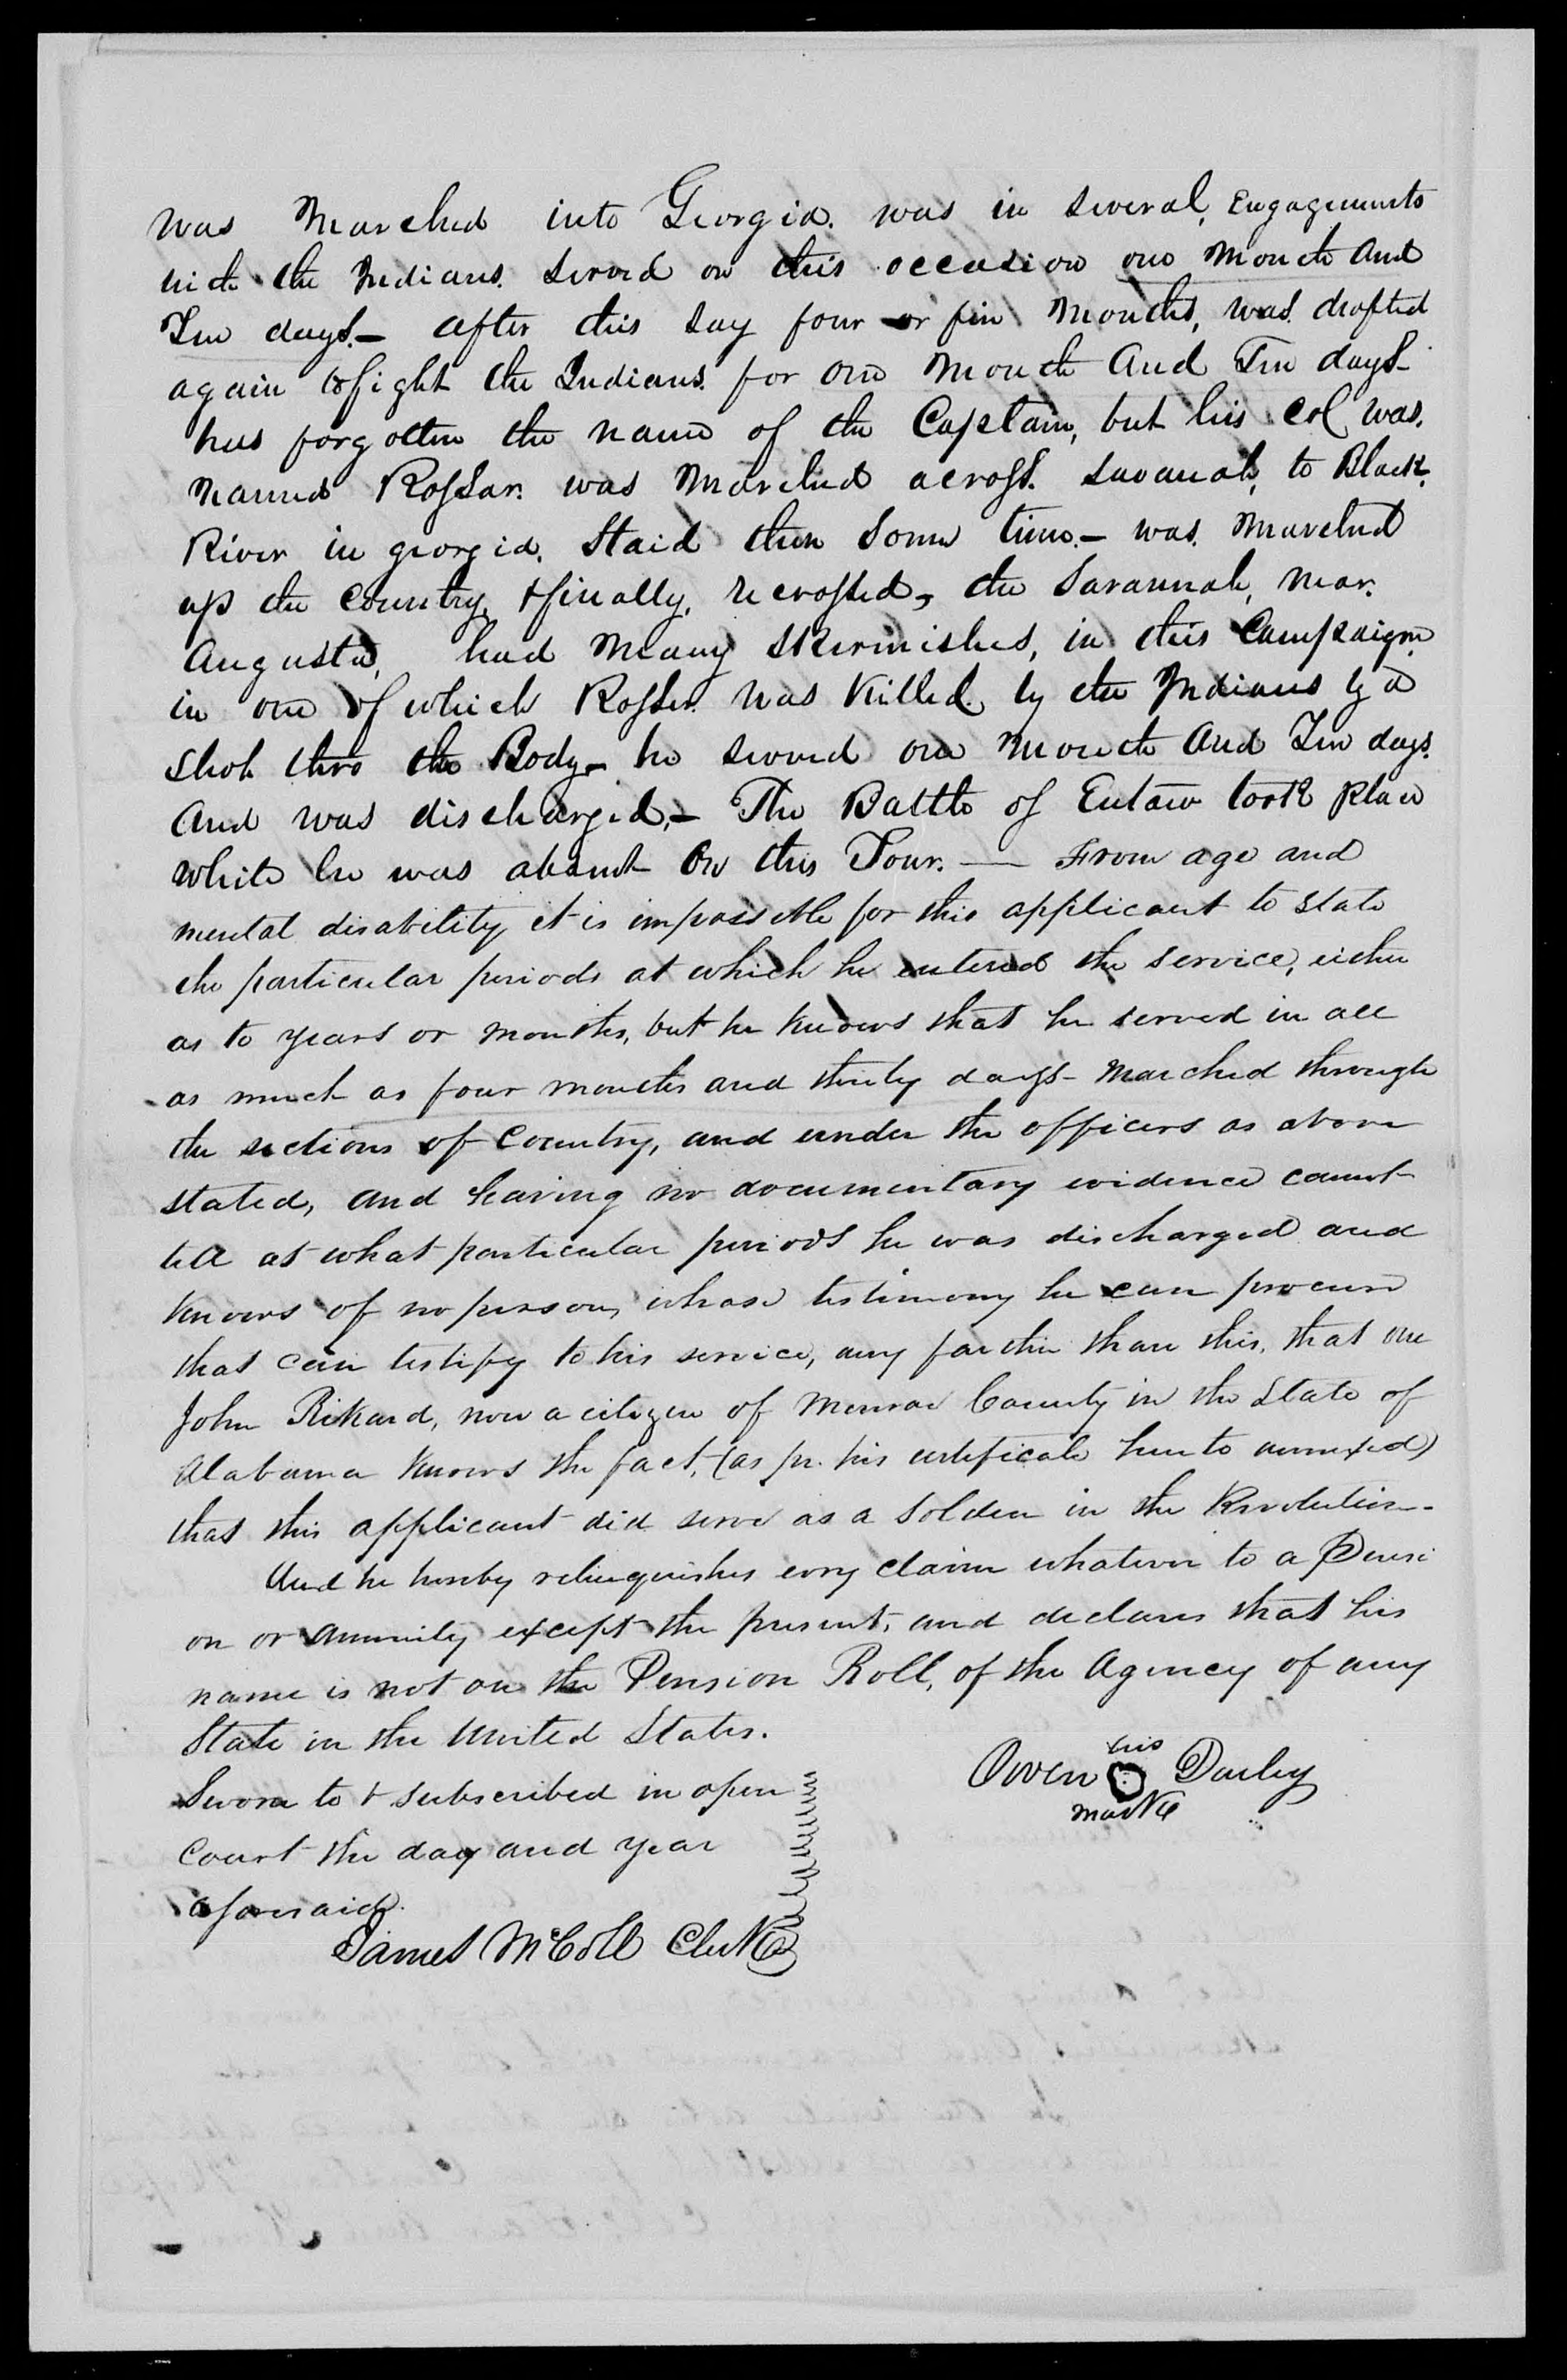was marched into Georgia, was
in several engagements with the Indians. Served on this occasion one month and ten days. After this said 4 or 5 months, was drafted again to fight the Indians for one month and 10 days -- has forgotten the name of the Captain, but his Colonel was named Rossar was marched across
Savannah [River] to Black River in Georgia. Stayed there some time -- was marched up the country & finally recrossed the Savannah near Augusta, had many skirmishes in this campaign in one of which Rosser was killed by the Indians by a shot through the body -- he served one month
and ten days and was discharged. -- The Battle of Eutaw [Eutaw Springs] 
took place while he was about on this Tour. -- From age and mental disability it is impossible for
this applicant to state the particular periods at which he entered the service, either as to years or
months, that he knows that he served in all as much as four months and thirty days -- marched through the sections of Country, and under the officers as above stated, and having no documentary evidence cannot tell at what particular periods he was discharged and knows of no
persons whose testimony he can procure that can testify to his service, in any farther than this, that one John Rikard, now a citizen of Monroe County in the State of Alabama knows the fact (as per his certificate hereto annexed) that this applicant did serve as a Soldier in the Revolution. And he hereby relinquishes every claim whatever to a pension or annuity except the present, and declares that his name is not on the Pension Roll, of the Agency of any State in the United States.
Owen Dailey, 0 his mark
Sworn to & subscribed in open Court the day and year aforesaid.
S/ James McColl, Clerk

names: Owen Dailey, James Mc Coll, Rossar, John Rikard, Rosser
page: 4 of 13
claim: rejected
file: R. 2,622, Owen Dailey, S.C.